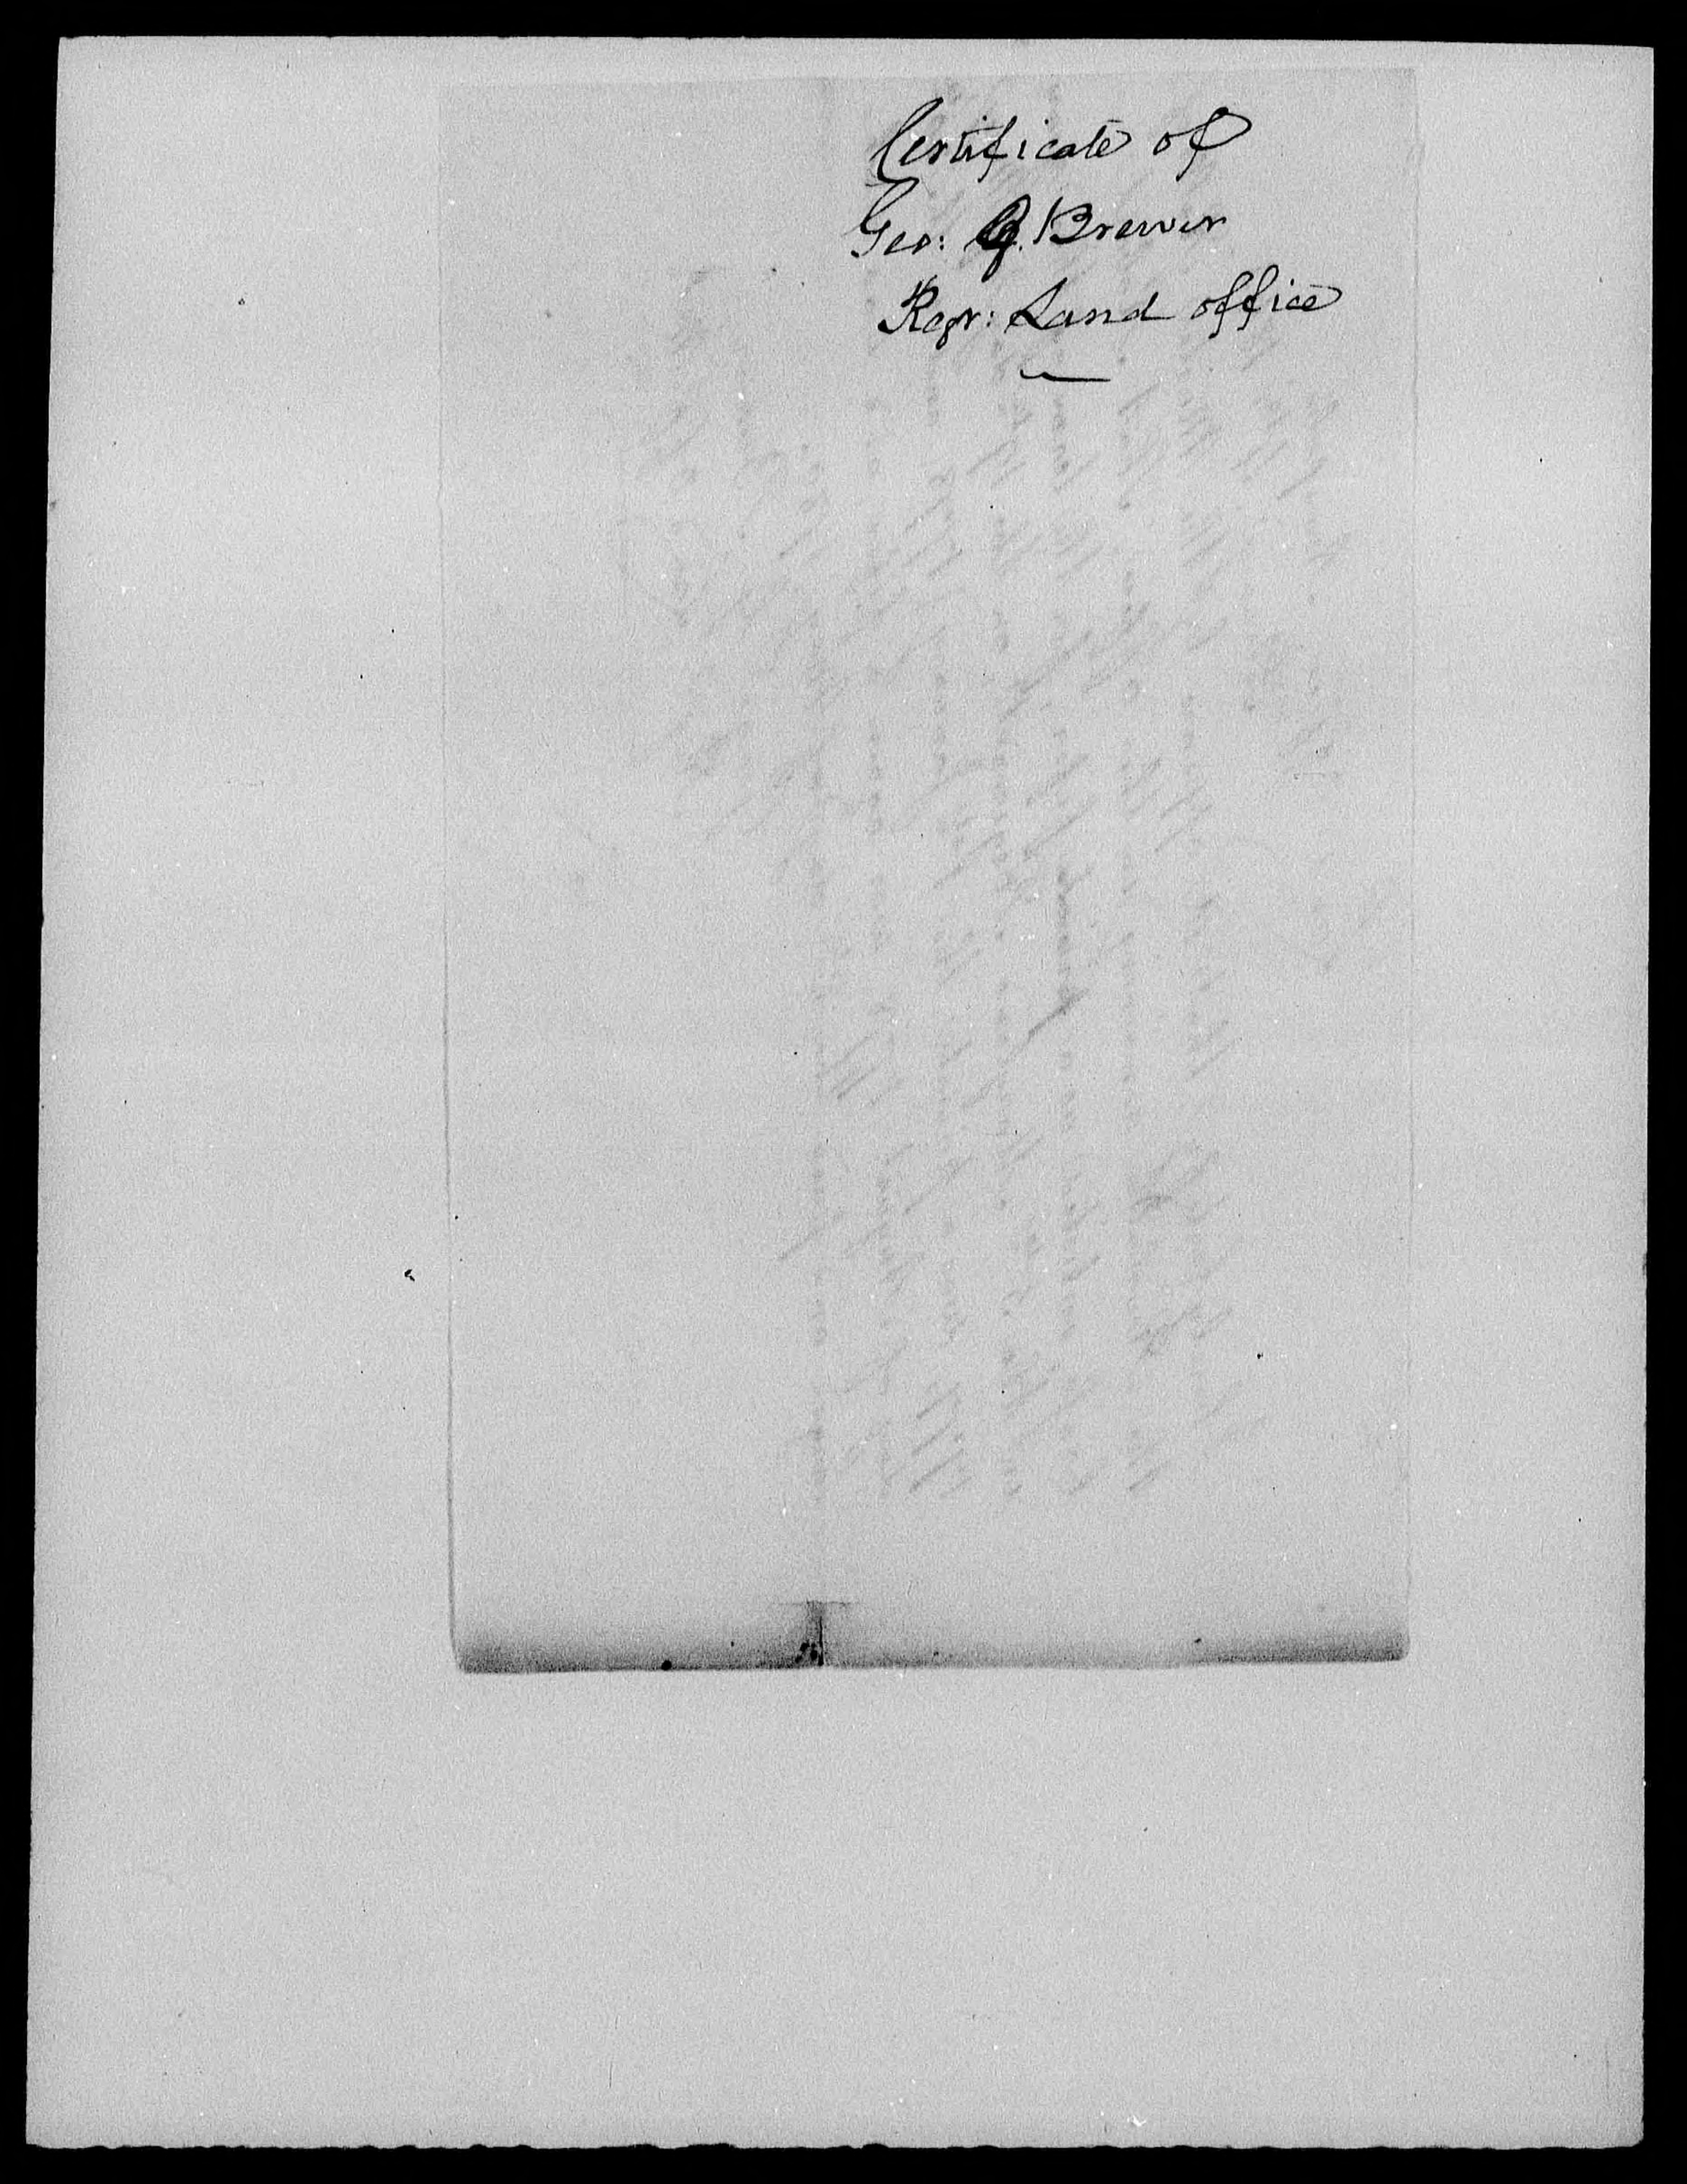Certificate of
Geo. G. Brewer
Regr: Land office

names: Geo G Grewer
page: 8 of 26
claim: widow's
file: W 25651, Robert Cross, Md.